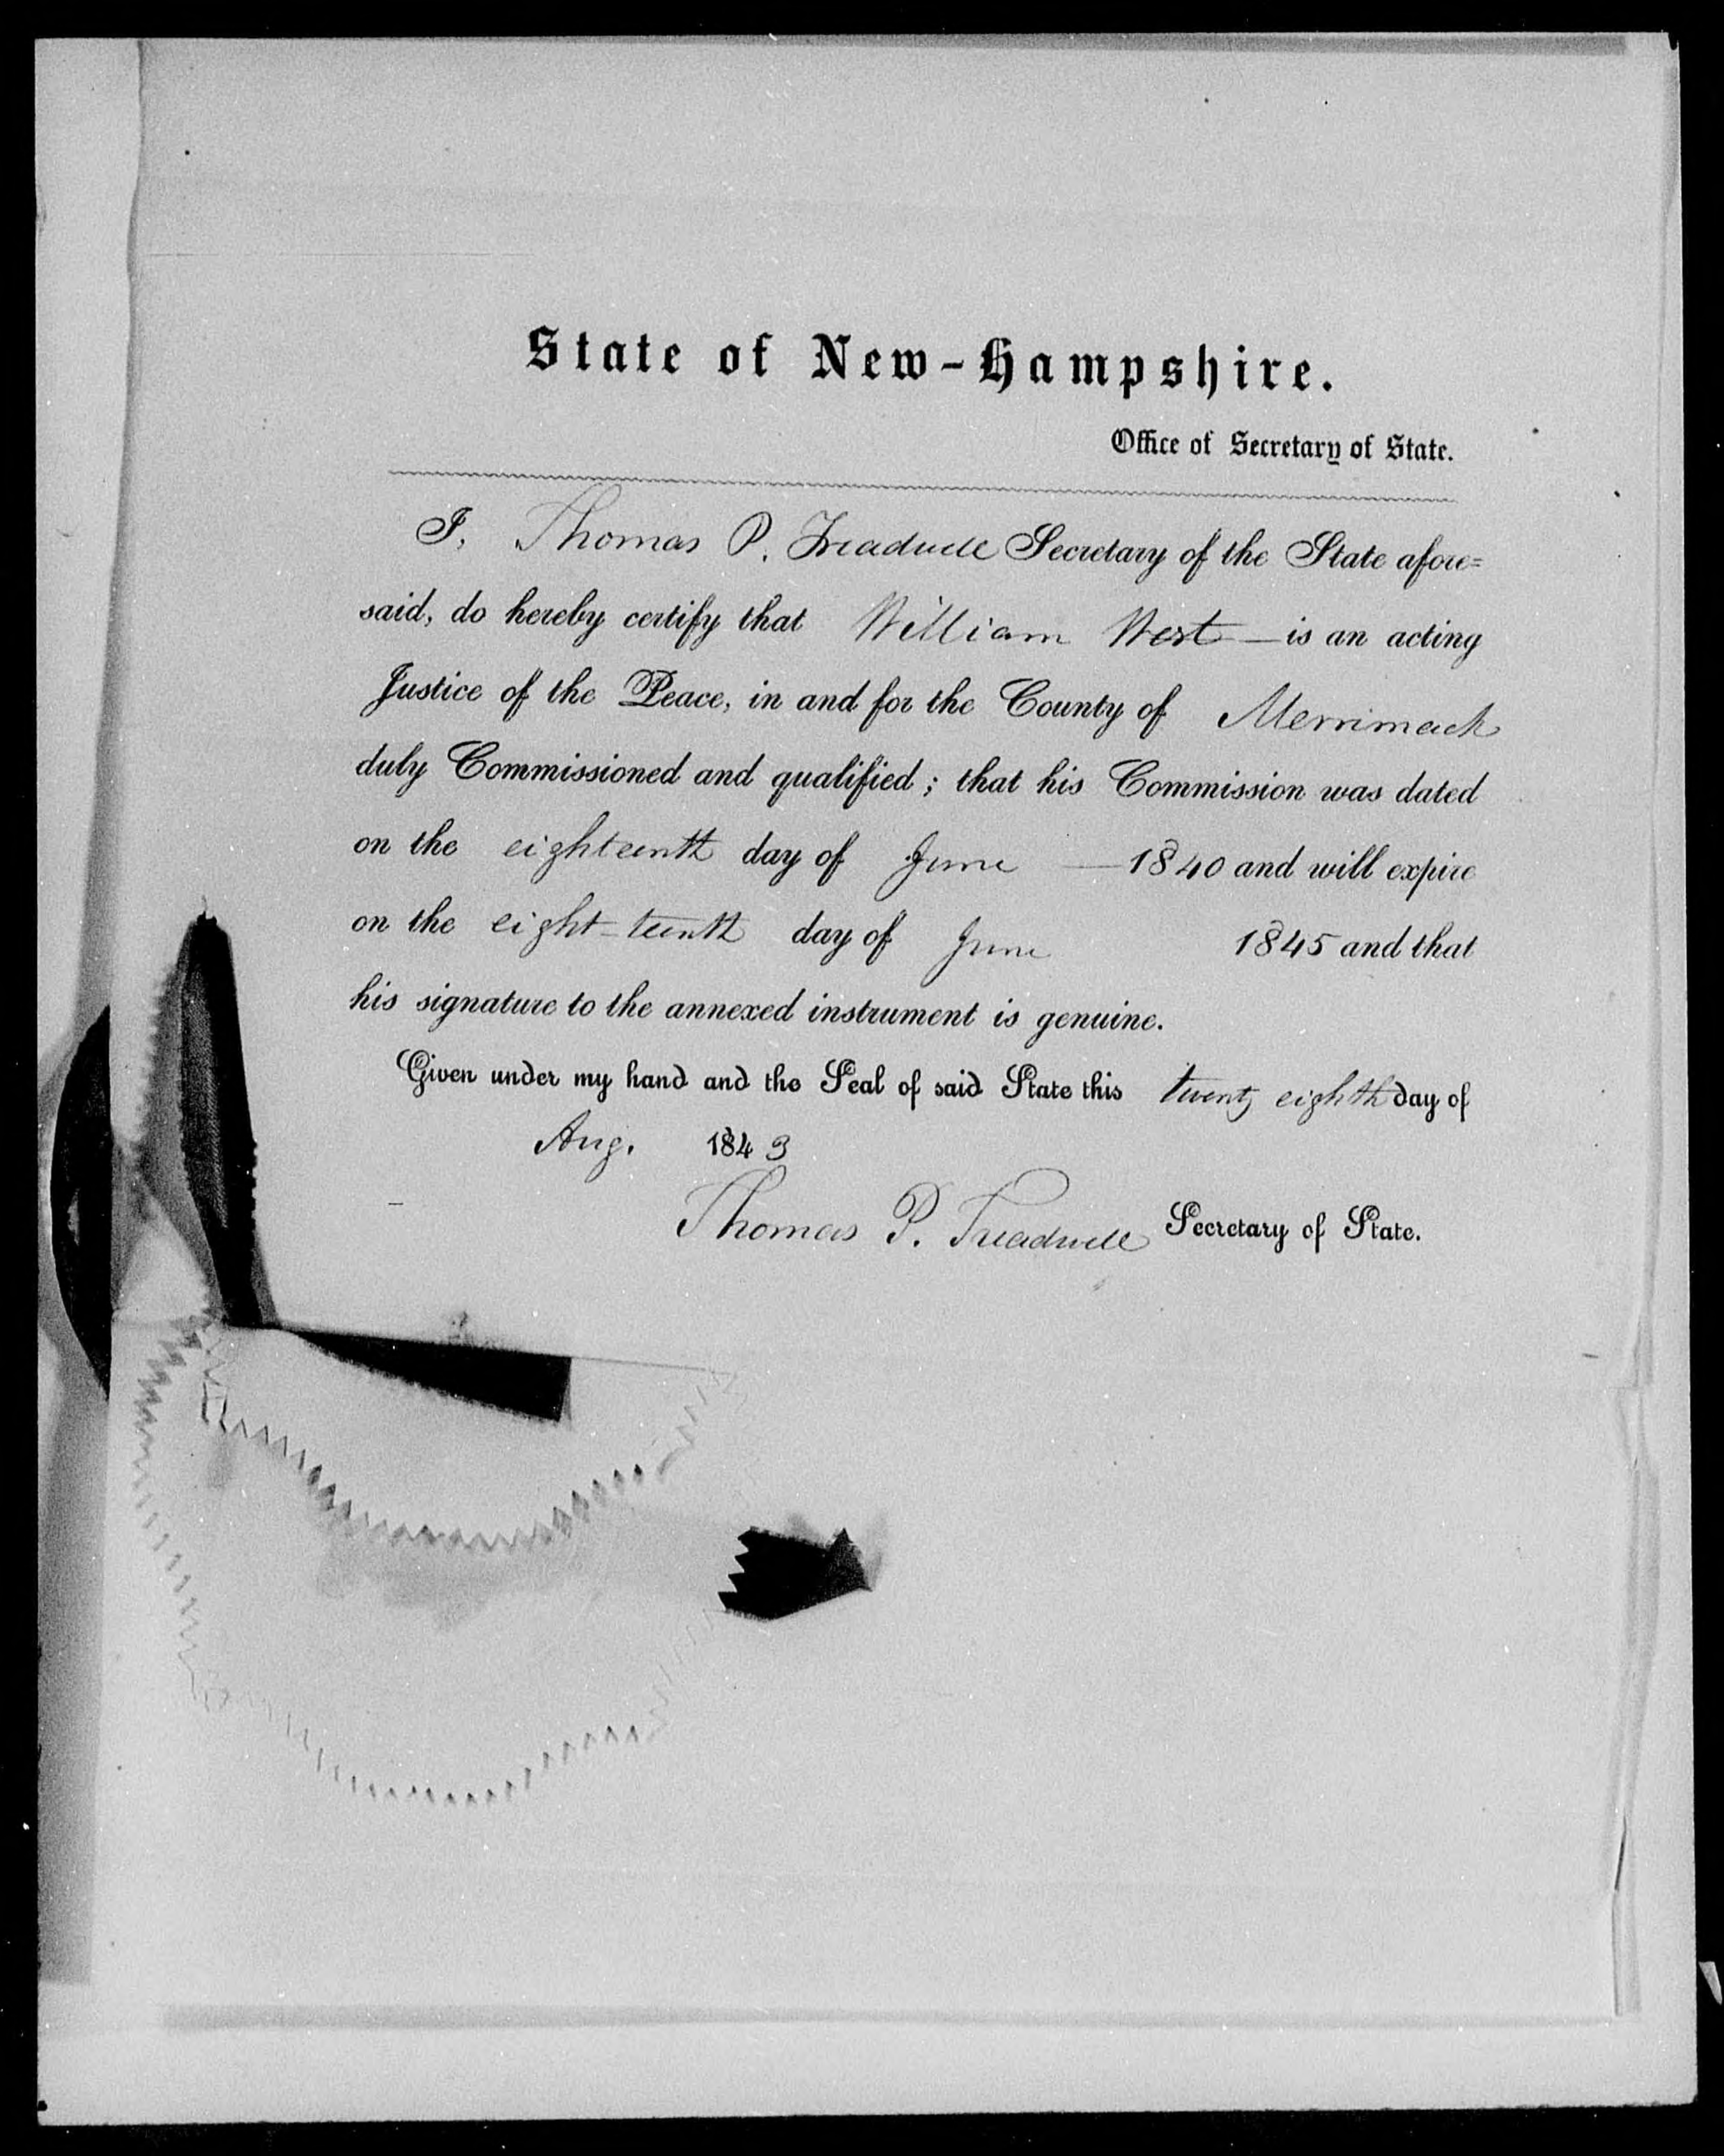State of New - [Hampshire].
Office of Secretary of State.
-----
I, Thomas P. Treadwell Secretary of State aforesaid, do hereby certify that William West is an acting Justice of the Peace, in and for the County of Merrimack duly Commissioned and qualified; that his Commission was dated on the eighteenth day of June 1840 and will expire on the eighteenth day of June 1845 and that his signature to the annexed instrument is genuine.

Given under my hand and the Seal of said State this twenty eighth day of Aug. 1843.
Thomas P. Treadwell Secretary of State.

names: Thomas P Treadwell, William West, Thomas P Treadwell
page: 37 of 61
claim: widow's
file: W. 19500, Samuel Thing Gilman, Continental N.H.